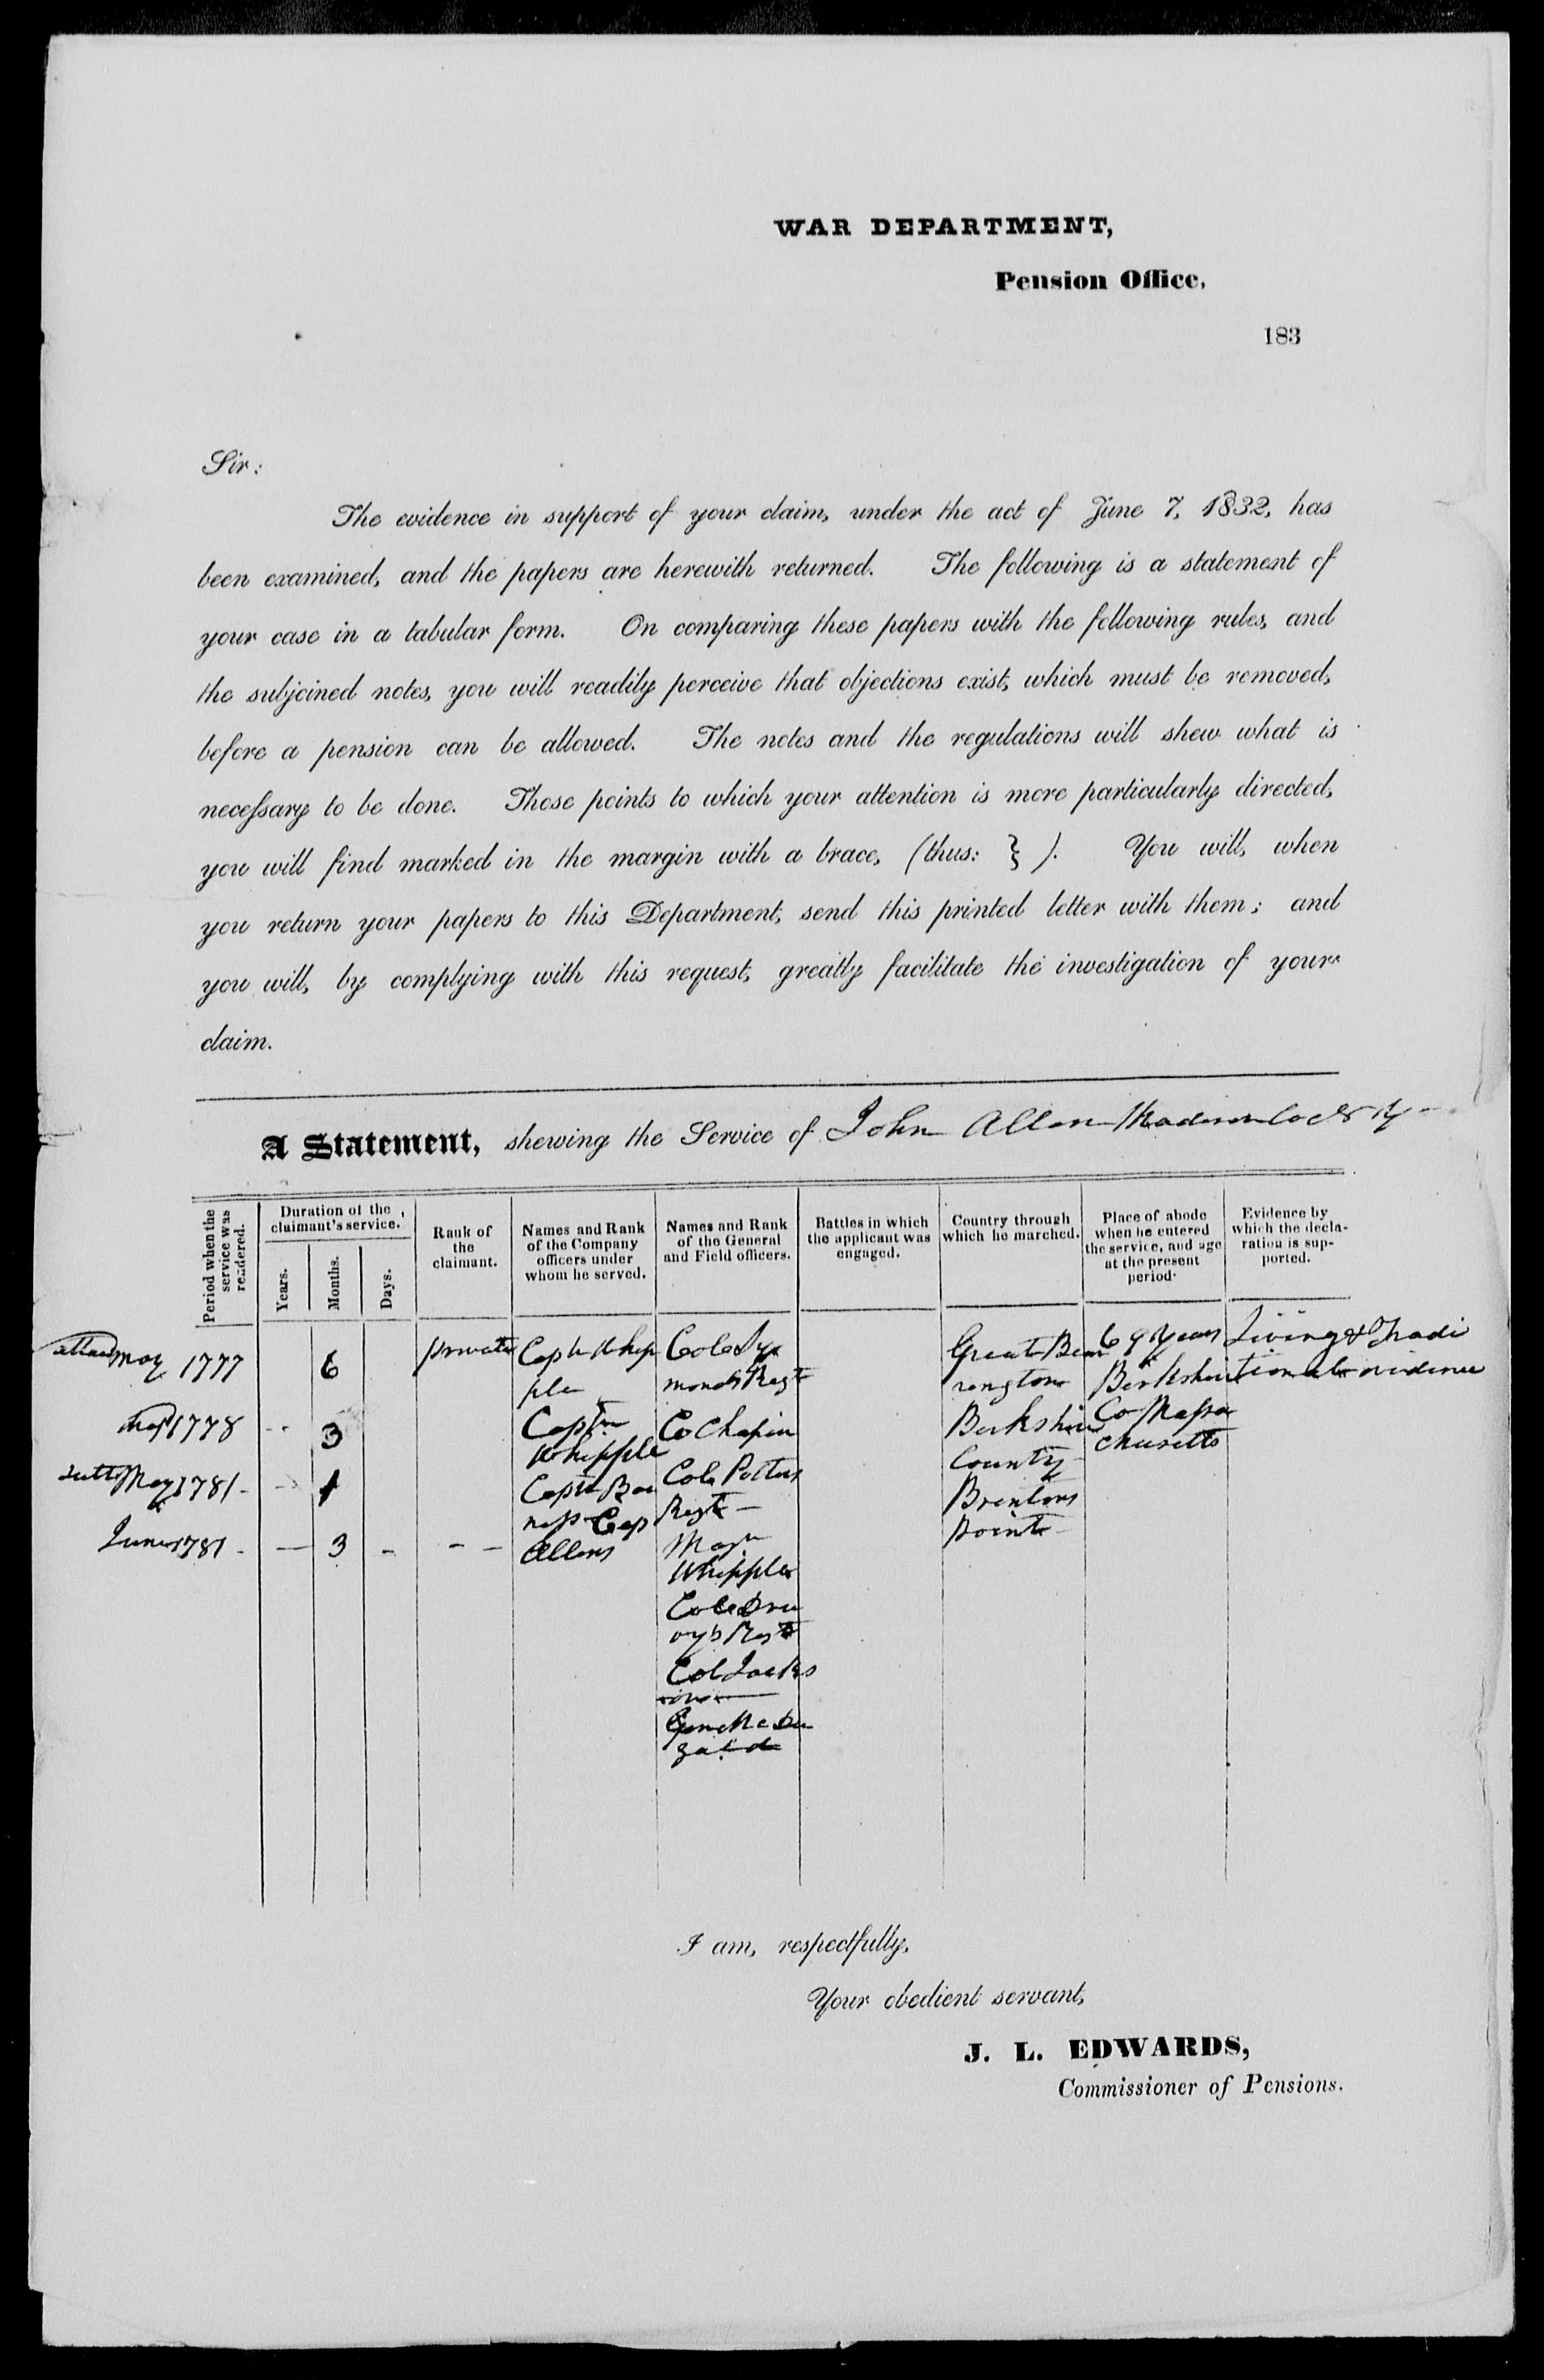WAR DEPARTMENT,
 Pension Office, 
183
Sir, 
The evidence in support of your claim, under the act of June 7, 1832, has been examined, and the papers are herewith returned. The following is a statement of your case in a tabular form. On comparing these papers with the following rules, and the subjoined notes, you will readily perceive that objections exist, which must be removed, before a pension can be allowed. The notes and the regulations will shew what is necessary to be done. Those points to which your attention is more particularly directed, you will find marked in the margin with a brace, (thus: }).  You will, when you return your papers to this Department, send this printed letter with them; and you will, by complying with this request, greatly facilitate the investigation of your claim. 
A Statement, shewing the service of John Allen Madison Co Ny – 
[column headers] 
Period when the service was rendered. |Duration of the claimant’s service. Years | Months. |Days. |Rank of the claimant. |Names and Rank of the Company officers under whom he served. |Names and Rank of the General and Field officers. | Battles in which the applicant was engaged. | Country through which he marched. | Place of abode when he entered the service, and age at the present period. | Evidence by which the declaration is supported. |

Attach May 1777 | [null] | 6 | [null] | private | Capt Whipple | Col. Symonds Rgt | [null] | Greater Bennington | 69 years Berkshire Co Massachusetts | Living & Traditional evidence |

May 1778 |[null] | 3 | [null] | [null] | Capt Whipple | Co Chapin Col. Potters Rgt | [null] | Berkshire County | [null] | [null] |

[illegible] May 1781 | [null] | 1 | [null] | [null] | Capt Barnes | Major Whipple Col. Drury’s Rgt | [null] | Brenton’s Point | [null] | [null] |

June 1781 | [null] | 3 | [null] | [null] | Cap Allen | Col Jackson Gen. McDougall | [null] | [null] | [null] | [null] |

I am, respectfully,
Your obedient servant, 
J. L. EDWARDS, Commissioner of Pensions.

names: Allen, Whipple, Jackson, Mc Dugald, Chapin, Barness, J L Edwards, Whipple, Whipple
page: 11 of 74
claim: widow's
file: W. 23424, John Allen, Mass. R. I.